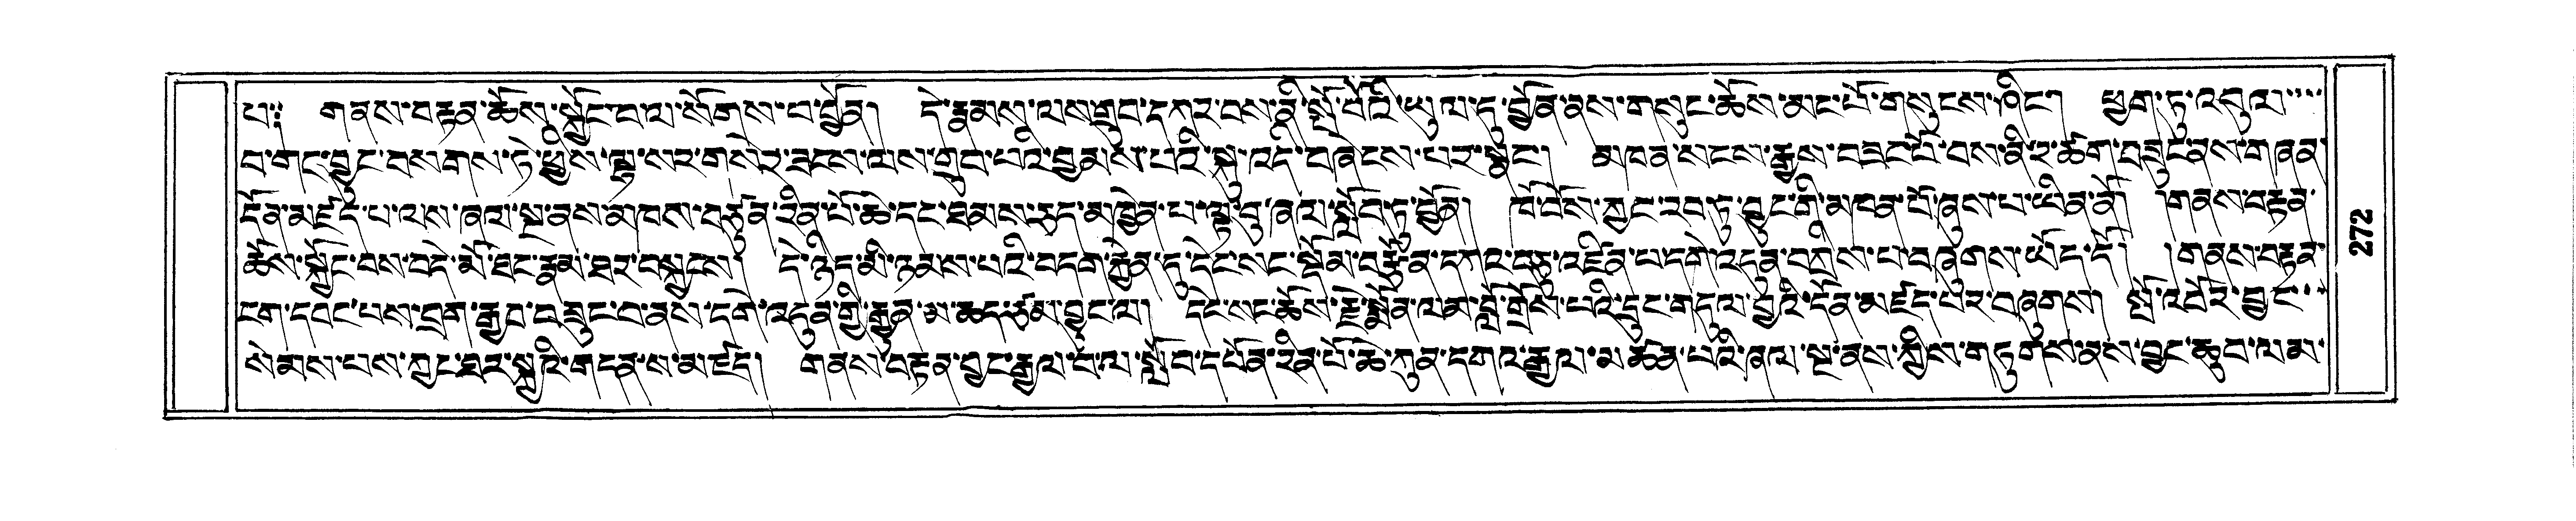པ༑ གནས་བརྟན་ཆོས་སྐྱོང་བ་ལ་སོགས་པ་བྱོན། དེ་རྣམས་ལས་གྲུབ་དཀར་བས་ནི་སྤོ་བོའི་ཡུལ་དུ་བྱོན་ནས་གསུང་ཆོས་མང་པོ་གསུངས་ཤིང་། ཕྱག་ཏུ་འབུལ་
བ་གང་བྱུང་བསགས་ཏེ་ཕྱིས་ལྷ་སར་གསེར་ཟངས་ལས་གྲུབ་པའི་བྱམས་པའི་སྐུ་འདི་བཞེངས་པར་སྣང་། མཁན་སངས་རྒྱས་བཟང་པོ་བས་ནི་ར་ཚག་བཟུང་ནས་གཞན་
དོན་མཛད་པ་ལས་ཞལ་སྔ་ནས་མཁས་བརྩུན་རིན་པོ་ཆེ་དང་ཐམས་ཅད་མཁྱེན་པ་ལྟ་བུ་ཞལ་སློབ་ཏུ་བྱོན། ཁོ་བོས་ཀྱང་རབ་ཏུ་བྱུང་གི་མཁན་པོ་ཞུས་པ་ཡིན་ནོ། །གནས་བརྟན་
ཆོས་སྐྱོང་བས་བདེ་མོ་ཐང་རྣམ་ཐར་བསྐྱངས། དེ་ཉིད་མི་ཉམས་པའི་བདག་རྐྱེན་དུ་དེང་སང་སྡོམ་བརྩུན་དཀའ་བཅུ་འཛིན་པ་དགེ་འདུན་བཀྲིས་པ་བཞུགས་ཡོད་དོ། །གནས་བརྟན་
ངག་དབང་བས་བྲག་རྒྱབ་བཟུང་བ་ནས་དགེ་འདུན་གྱི་རྒྱུན་མ་ཆད་རྩམ་བྱུང་ལ། དེང་སང་ཆོས་རྗེ་སྨོན་ལམ་བློ་གྲོས་པའི་དྲུང་གདུལ་བྱའི་དོན་མཛད་པར་བཞུགས། སྤོ་འབོར་བྱང་
སེམས་པས་ཀྱང་ཐར་སྐྱའི་གདན་ས་མཛད། གནས་བརྟན་བྱང་རྒྱལ་བ་ལ་སློབ་དཔོན་རིན་པོ་ཆེ་ཀུན་དགའ་རྒྱལ་མཚན་པའི་ཞལ་སྔ་ནས་ཀྱིས་གཏུགས་ནས་བྱང་ཆུབ་ལམ་